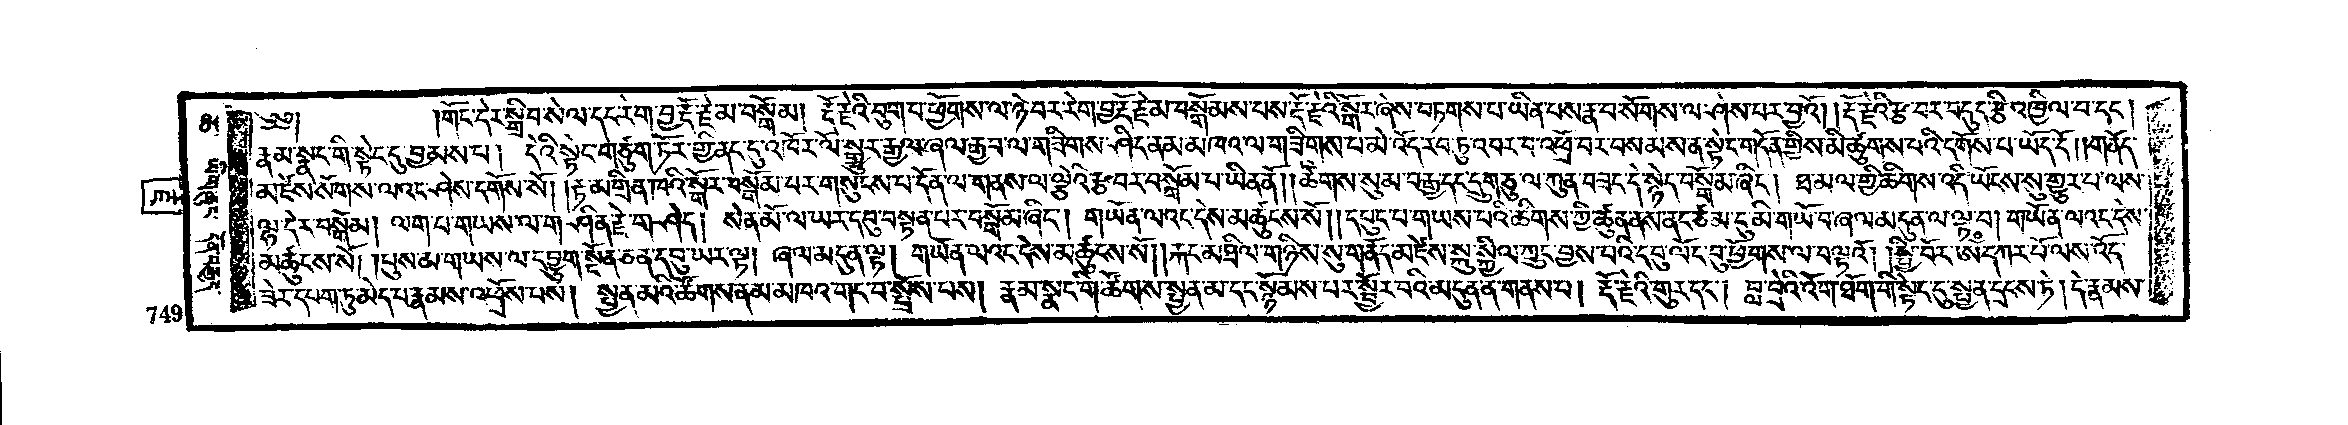༄༅། །གོང་དེར་སྒྲིབ་སེལ་དང་རེག་བྱ་རྡོ་རྗེ་མ་བསྒོམ། རྡོ་རྗེའི་བུག་པ་ཕྱོགས་ལ་ཉེ་བར་རེག་བྱ་རྡོ་རྗེ་མ་བསྒོམས་པས་རྡོ་རྗེའི་སྒོར་ཞེས་བཏགས་པ་ཡིན་པས་རྣ་བ་སོགས་ལ་ཤེས་པར་བྱའོ། །རྡོ་རྗེའི་རྩ་བར་བདུད་རྩི་འཁྱིལ་པ་དང་།
རྣམ་སྣང་གི་སྟེང་དུ་བྱམས་པ། དེའི་སྟེང་གཙུག་ཏོར་གྱི་ནང་དུ་འཁོར་ལོ་སྒྱུར་རྒྱལ་ཞལ་རྒྱབ་ལ་གཟིགས་ཤིང་ནམ་མཁའ་ལ་གཟིགས་པ་མེ་འོད་རབ་ཏུ་འབར་བ་འཕྲོ་བར་བསམས་ན་སྟེང་གདོན་གྱིས་མི་ཚུགས་པའི་དགོས་པ་ཡོད་དོ། །གནོད་
མཛེས་སོགས་ལའང་ཤེས་དགོས་སོ། །རྟ་མགྲིན་ཁའི་སྒོར་བསྒོམ་པར་གསུངས་པ་དོན་ལ་གནས་ལ་ལྕེའི་རྩ་བར་བསྒོམ་པ་ཡིན་ནོ། །ཚིགས་སུམ་བརྒྱ་དང་དྲུག་ཅུ་ལ་ཀུན་བཟང་དེ་སྙེད་བསྒོམ་ཞིང་། ཐ་མལ་གྱི་ཚིགས་འདི་ཡོངས་སུ་གྱུར་པ་ལས་
ལྷ་དེར་བསྒོམ། ལག་པ་གཡས་ལ་གཤིན་རྗེ་གཤེད། སེན་མོ་ལ་ཡར་དབུ་བསྟན་པར་བསྒོམ་ཞིང་། གཡོན་ལའང་དེས་མཚུངས་སོ། །དཔུང་པ་གཡས་པའི་ཚིགས་ཀྱི་ཚུན་ནས་ནང་ཙམ་དུ་མི་གཡོ་བ་ཞལ་མདུན་ལ་ལྟ་བ། གཡོན་ལའང་དེས་
མཚུངས་སོ། །པུས་མ་གཡས་ལ་དབྱུག་སྔོན་ཅན་དབུ་ཡར་ལྟ། ཞལ་མདུན་ལྟ། གཡོན་ལའང་དེས་མཚུངས་སོ། །རྐང་མཐིལ་གཉིས་སུ་གནོད་མཛེས་སྐུ་སྐྱིལ་ཀྲུང་བྱས་པའི་དབུ་ལོང་བུ་ཕྱོགས་ལ་བལྟའོ། །སྤྱི་བོར་ཨོཾ་དཀར་པོ་ལས་འོད་
ཟེར་དཔག་ཏུ་མེད་པ་རྣམས་འཕྲོས་པས། སྤྱན་མའི་ཚོགས་ནམ་མཁའ་གང་བ་སྤྲོས་པས། རྣམ་སྣང་གི་ཚོགས་སྤྱན་མ་དང་སྙོམས་པར་སྦྱོར་བའི་མདུན་ན་གནས་པ། རྡོ་རྗེའི་གུར་དང་། བླ་བྲེའི་འོག་ཐོག་གི་སྟེང་དུ་སྤྱན་དྲངས་ཏེ། དེ་རྣམས་